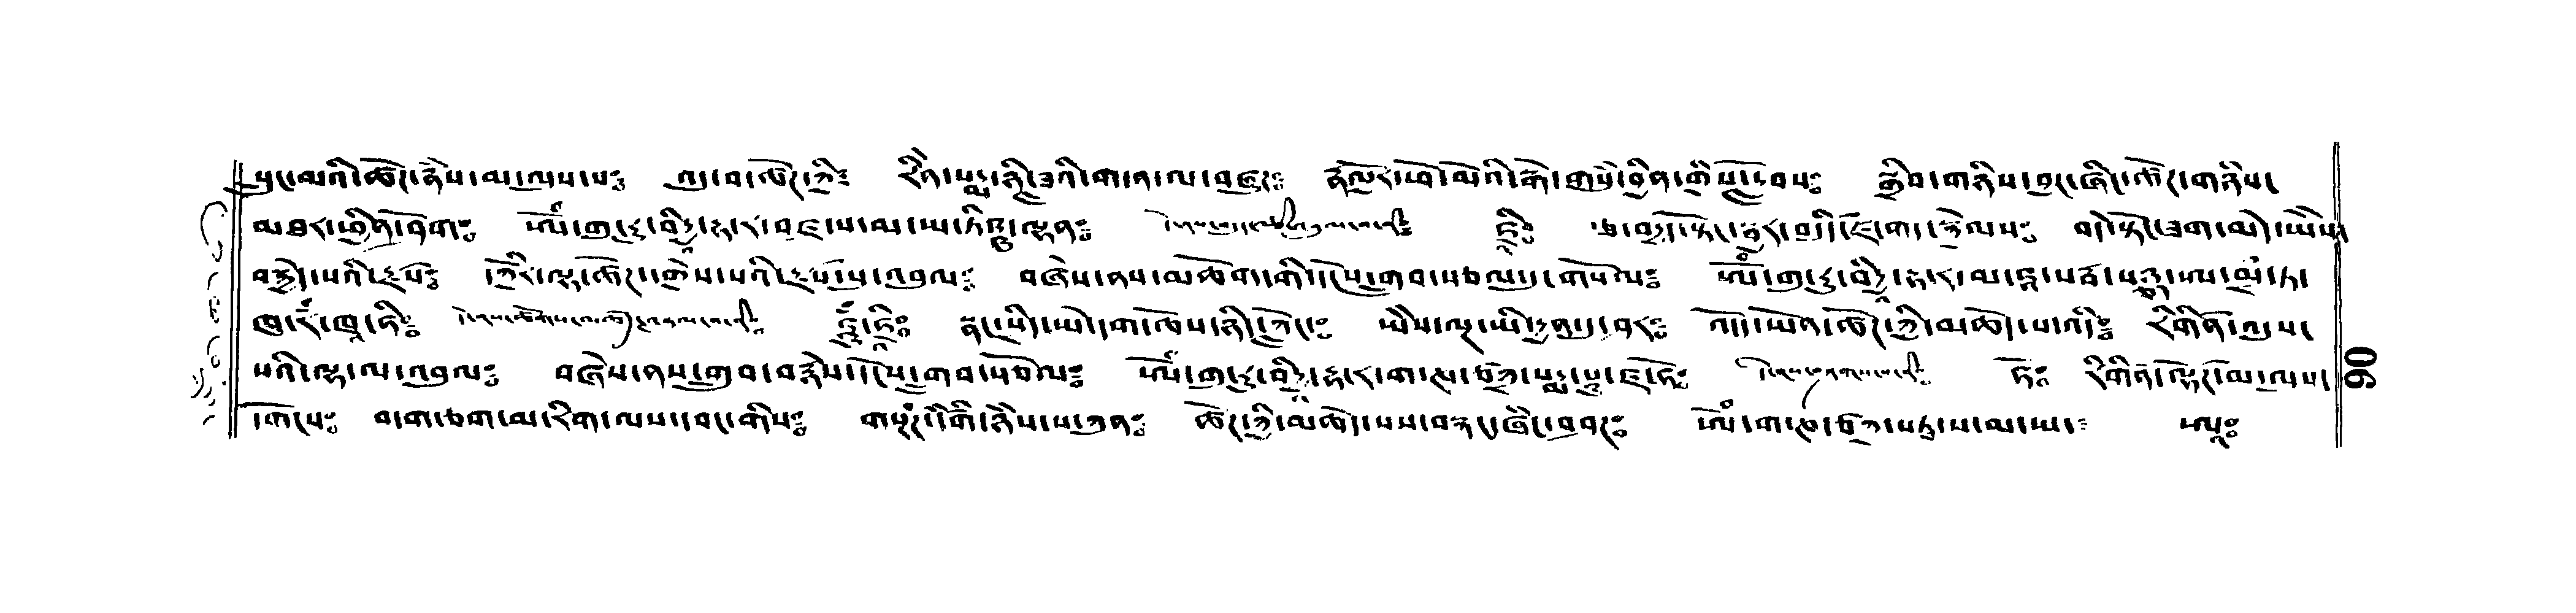སྲུང་མའི་ཚོགས་རྣམས་མ་ལུས་པ༔ འདུ་བ་ཚོགས་ཀྱི༴ རིན་ཆེན་པདྨ་ཉི་ཟླའི་གདན་ལ་བཞུགས༔ རྣལ་འབྱོར་ཕོ་མོའི་སྒོ་གསུམ་བྱིན་གྱིས་རློབས༔ སྒྲིབ་གཉིས་བྱང་ཞིང་ཚོགས་གཉིས་
མཐར་ཕྱིན་ཤོག༔ ཨོཾ་གུ་རུ་བིདྱཱ་དྷ་ར་བཛྲ་ས་མ་ཡ་ཏིཥྛ་ལྷན༔ དེ་ནས་བདུད་རྩི་འབུལ་བ་ནི༔ ཧྲཱིཿ རྩ་བརྒྱད་སྟོང་སྦྱར་བདུད་རྩི་ཛ་གད་སྐྱེམསཿ བདེ་སྟོང་ཟག་མེད་ཡེ་ཤེས་
བསྐྱེད་པའི་རྫས༔ དཀྱིལ་འཁོར་ལྷ་ཚོགས་དགྱེས་པའི་རྫས་སུ་འབུལ༔ བཞེས་ནས་མཆོག་གི་དངོས་གྲུབ་བསྩལ་དུ་གསོལ༔ ཨོཾ་གུ་རུ་བིདྱཱ་དྷ་ར་མ་ཧཱ་སརྦ་པཉྩ་ཨ་མྲྀ་ཏ་
ཁ་རྃ་ཁཱ་ཧིཿ དེ་ནས་ཚོགས་མཆོད་འབུལ་བ་ནི༔ ཧཱུྃ་ཧྲཱིཿ སྣང་སྲིད་ཡེ་དག་ཆོས་ཉིད་ཀློང༔ཡེ་ཤེས་ལྔ་ཡི་རྒྱན་དུ་ཤར༔ འདོད་ཡོན་ཚོགས་ཀྱི་མཆོད་པ་འདི༔ རིག་འཛིན་འདུས་
པའི་ལྷ་ལ་འབུལ༔ བཞེས་ནས་གྲུབ་བརྙེས་དངོས་གྲུབ་སྩོལ༔ ཨོཾ་གུ་རུ་བིདྱཱ་དྷ་ར་ག་ཎ་ཙཀྲ་པདྨ་པཱུ་ཛ་ཧོཿ དེ་ནས་བཤགས་པ་ནི༔ ཧོཿ རིག་འཛིན་ལྷ་ཚོགས་མ་ལུས་
དགོངས༔ བདག་ཅག་མ་རིག་ལས་དབང་གིས༔ གསང་སྔགས་དམ་ཚིག་ཉམས་པ་ཀུན༔ ཚོགས་ཀྱི་མཆོད་པས་བསྐང་ཞིང་བཤགས༔ ཨོཾ་ག་ཎ་ཙཀྲ་ས་ཏྭ་ས་མ་ཡ༴ ཨཱཿ